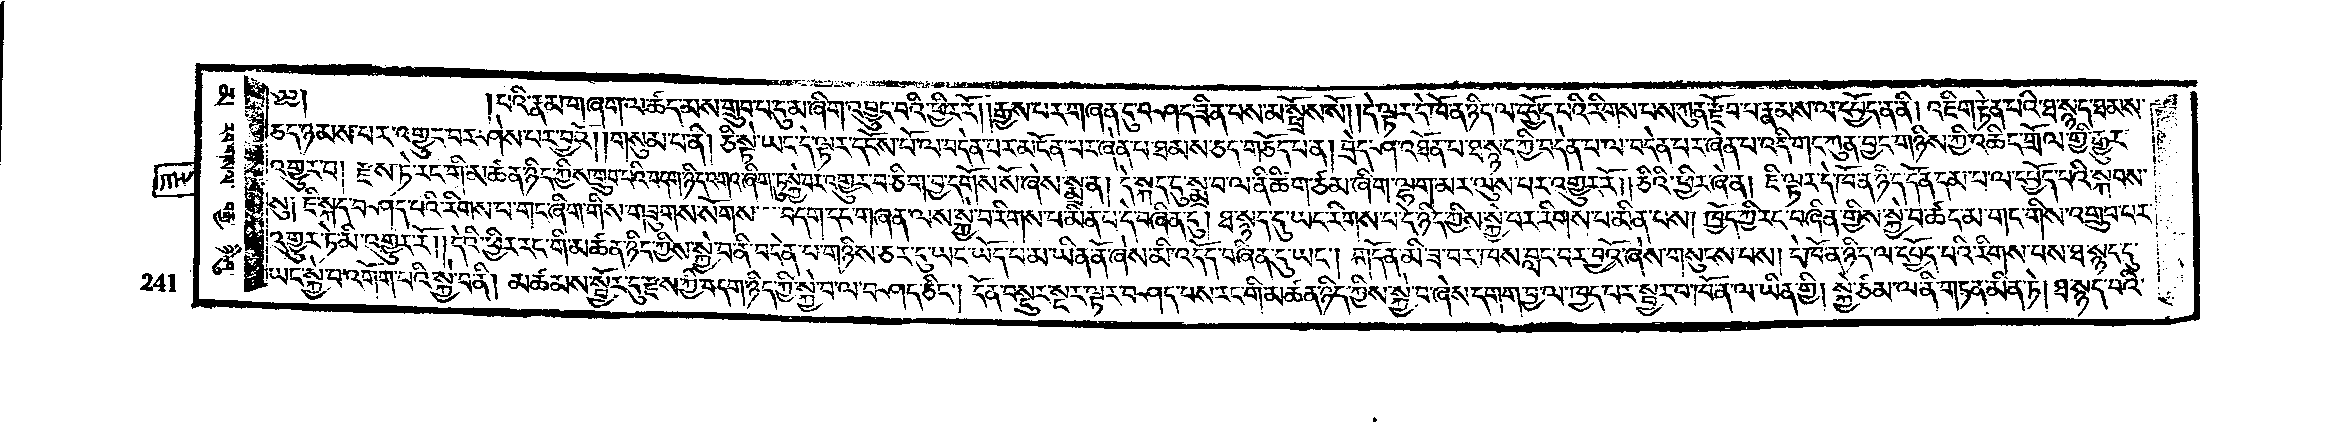༄༅། །པའི་རྣམ་གཞག་ལ་ཚད་མས་གྲུབ་པ་དུ་མ་ཞིག་འབྱུང་བའི་ཕྱིར་རོ། །རྒྱས་པར་གཞན་དུ་བཤད་ཟིན་པས་མ་སྤྲོས་སོ། །དེ་ལྟར་དེ་ཁོ་ན་ཉིད་ལ་དཔྱོད་པའི་རིགས་པས་ཀུན་རྫོབ་པ་རྣམས་ལ་དཔྱོད་ན་ནི། འཇིག་རྟེན་པའི་ཐ་སྙད་ཐམས་
ཅད་ཉམས་པར་འགྱུར་བར་ཤེས་པར་བྱའོ། །གསུམ་པ་ནི། ཅི་སྟེ་ཡང་དེ་ལྟར་དངོས་པོ་ལ་བདེན་པར་མངོན་པར་ཞེན་པ་ཐམས་ཅད་གཅོད་པ་ན། བྲེད་ཤ་འཐོན་པ་ཐ་སྙད་ཀྱི་བདེན་པ་ལ་བདེན་པར་ཞེན་པ་འདི་གང་ཀུན་བྱང་གཉིས་ཀྱི་འཆིང་གྲོལ་གྱི་རྒྱུར་
འགྱུར་བ། རྫས་ཏེ་རང་གི་མཚན་ཉིད་ཀྱིས་གྲུབ་པའི་བདག་ཉིད་འགའ་ཞིག་ཏུ་སྐྱེ་བར་འགྱུར་བ་ཅིག་བྱ་དགོས་སོ་ཞེས་སྨྲ་ན། དེ་སྐད་དུ་སྨྲ་བ་ལ་ནི་ཚིག་ཙམ་ཞིག་ལྷག་མར་ལུས་པར་འགྱུར་རོ། །ཅིའི་ཕྱིར་ཞེ་ན། ཇི་ལྟར་དེ་ཁོ་ན་ཉིད་དོན་དམ་པ་ལ་དཔྱོད་པའི་སྐབས་
སུ། ཇི་སྐད་བཤད་པའི་རིགས་པ་གང་ཞིག་གིས་གཟུགས་སོགས་བདག་དང་གཞན་ལས་སྐྱེ་བ་རིགས་པ་མིན་པ་དེ་བཞིན་དུ། ཐ་སྙད་དུ་ཡང་རིགས་པ་དེ་ཉིད་ཀྱིས་སྐྱེ་བར་རིགས་པ་མིན་པས། ཁྱོད་ཀྱི་རང་བཞིན་གྱིས་སྐྱེ་བ་ཚད་མ་གང་གིས་འགྲུབ་པར་
འགྱུར་ཏེ་མི་འགྱུར་རོ། །དེའི་ཕྱིར་རང་གི་མཚན་ཉིད་ཀྱིས་སྐྱེ་བ་ནི་བདེན་པ་གཉིས་ཅར་དུ་ཡང་ཡོད་པ་མ་ཡིན་ནོ་ཞེས་མི་འདོད་བཞིན་དུ་ཡང་། གདོན་མི་ཟ་བར་ཁས་བླང་བར་བྱའོ་ཞེས་གསུངས་པས། དེ་ཁོ་ན་ཉིད་ལ་དཔྱོད་པའི་རིགས་པས་ཐ་སྙད་དུ་
ཡང་སྐྱེ་བ་འགོག་པའི་སྐྱེ་བ་ནི། མཚམས་སྦྱོར་དུ་རྫས་ཀྱི་བདག་ཉིད་ཀྱི་སྐྱེ་བ་ལ་བཤད་ཅིང་། དོན་བསྡུར་སྔར་ལྟར་བཤད་པས་རང་གི་མཚན་ཉིད་ཀྱིས་སྐྱེ་བ་ཞེས་དགག་བྱ་ལ་ཁྱད་པར་སྦྱར་བ་ཁོ་ན་ལ་ཡིན་གྱི། སྐྱེ་ཙམ་ལ་ནི་གཏན་མིན་ཏེ། ཐ་སྙད་བའི་